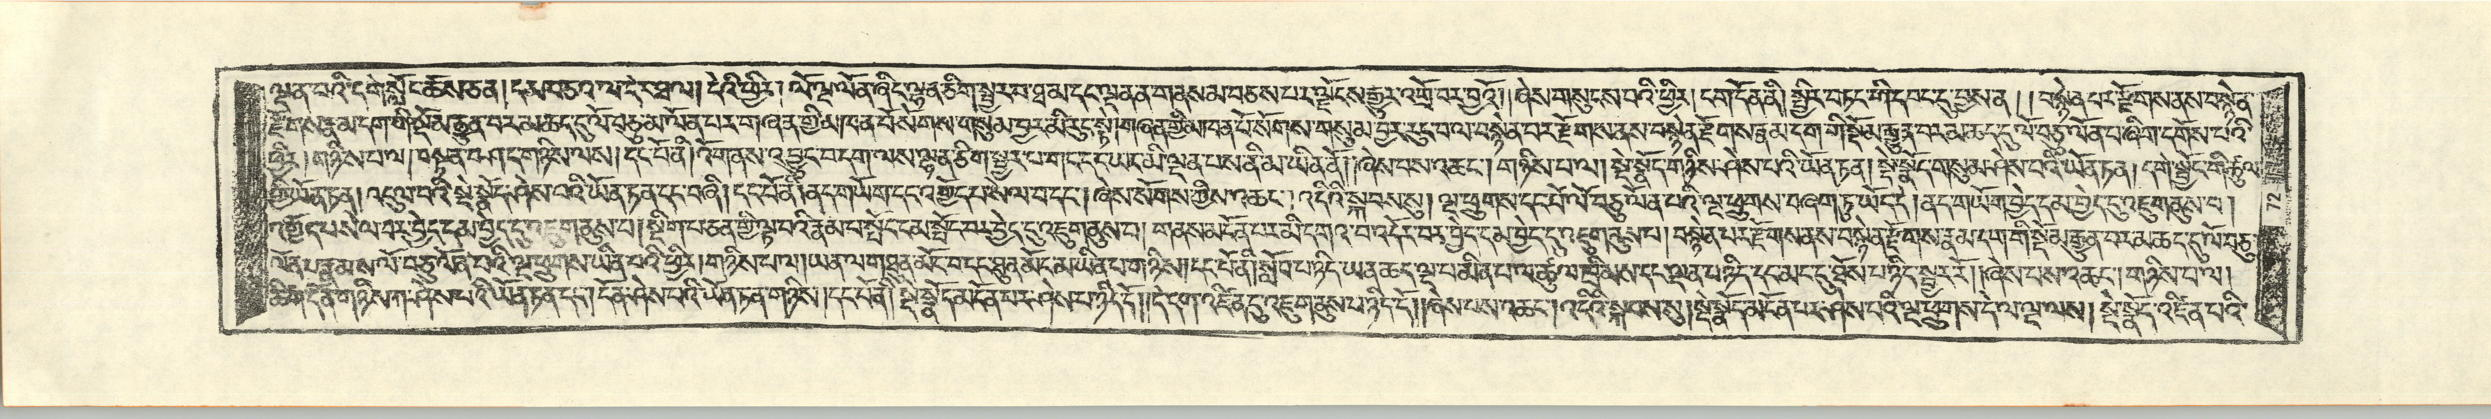ལྡན་པའི་དགེ་སློང་ཆོས་ཅན། དམ་བཅའ་ལ་དེར་ཐལ། དེའི་ཕྱིར། ལོ་ལྔ་ལོན་ཞིང་ལྷན་ཅིག་སྦྱར་བ་ཐ་མ་དང་ལྡན་ན་གནས་མ་བཅས་པར་ལྗོངས་རྒྱུར་འགྲོ་བར་བྱའོ། །ཞེས་གསུངས་པའི་ཕྱིར། ངག་དོན་ནི། སྤྱིར་བཏང་གི་དབང་དུ་བྱས་ན། །བསྙེན་པར་རྫོགས་ནས་བསྙེན་
རྫོགས་རྣམ་དག་གི་སྡོམ་རྒྱུན་བར་མ་ཆད་དུ་ལོ་བཅུ་མ་ལོན་པར་གཞན་གྱི་མཁན་བོ་སོགས་གསུམ་བྱར་མི་རུང་སྟེ། གཞན་གྱི་མཁན་པོ་སོགས་གསུམ་བྱར་རུང་བ་ལ་བསྙེན་པར་རྫོགས་ནས་བསྙེན་རྫོགས་རྣམ་དག་གི་སྡོམ་རྒྱུན་བར་མ་ཆད་དུ་ལོ་བཅུ་ལོན་པ་ཞིག་དགོས་པའི་
ཕྱིར། གཉིས་པ་ལ། བསྟན་བཤད་གཉིས་ལས། དང་པོ་ནི། འོག་ནས་འབྱུང་བདག་ལས་ལྷན་ཅིག་སྦྱར་བ་གང་དང་ཡང་མི་ལྡན་པས་ནི་མ་ཡིན་ནོ། །ཞེས་པས་འཆང་། གཉིས་པ་ལ། སྡེ་སྣོད་གཉིས་ཤེས་པའི་ཡོན་ཏན། སྡེ་སྣོད་གསུམ་ཤེས་པའི་ཡོན་ཏན། དགེ་སྦྱོང་གི་ཚུལ་
གྱི་ཡོན་ཏན། འདུལ་བའི་སྡེ་སྣོད་ཤེས་པའི་ཡོན་ཏན་དང་བཞི། དང་པོ་ནི། ནད་གཡོག་དང་འགྱོད་པ་སེལ་བ་དང་། ཞེས་སོགས་ཀྱིས་འཆང་། འདིའི་སྐབས་སུ། ལྔ་ཕྲུགས་དང་པོ་ལོ་བཅུ་ལོན་པའི་ལྔ་ཕྲུགས་བཞག་ཏུ་ཡོད་དེ། ནད་གཡོག་བྱེད་དམ་བྱེད་དུ་འཇུག་ནུས་པ།
འགྱོད་པ་སེལ་བར་བྱེད་དམ་བྱེད་དུ་འཇུག་ནུས་པ། སྡིག་པ་ཅན་གྱི་ལྟ་བའི་རྣམ་པ་སྤོང་དམ་སྤོང་བར་བྱེད་དུ་འཇུག་ནུས་པ། གནས་མངོན་པར་མི་དགའ་བ་འདོར་བར་བྱེད་དམ་བྱེད་དུ་འཇུག་ནུས་པ། བསྙེན་པར་རྫོགས་ནས་བསྙེན་རྫོགས་རྣམ་དག་གི་སྡོམ་རྒྱུན་བར་མ་ཆད་དུ་ལོ་བཅུ་
ལོན་པ་རྣམས་ལོ་བཅུ་ལོན་པའི་ལྔ་ཕྲུགས་ཡིན་པའི་ཕྱིར། གཉིས་པ་ལ། ཡན་ལག་ཐུན་མོང་བ་དང་ཐུན་མོང་མ་ཡིན་པ་གཉིས། དང་པོ་ནི། སློབ་པ་ཉིད་ཡན་ཆད་ལྔ་པ་མིན་པ་ལ་ཚུལ་ཁྲིམས་དང་ལྡན་པ་ཉིད་དང་མང་དུ་ཐོས་པ་ཉིད་སྦྱར་རོ། །ཞེས་པས་འཆང་། གཉིས་པ་ལ།
ཚིག་དོན་གཉིས་ཀ་ཤེས་པའི་ཡོན་ཏན་དང་། དོན་ཤེས་པའི་ཡོན་ཏན་གཉིས། དང་པོ་ནི། སྡེ་སྣོད་མངོན་པར་ཤེས་པ་ཉིད་དོ། །དེ་དག་འཛིན་དུ་འཇུག་ནུས་པ་ཉིད་དོ། །ཞེས་པས་འཆད། འདིའི་སྐབས་སུ། སྡེ་སྣོད་མངོན་པར་ཤེས་པའི་ལྔ་ཕྲུགས་དེ་ལ་ལྔ་ལས། སྡེ་སྣོད་འཛིན་པའི་